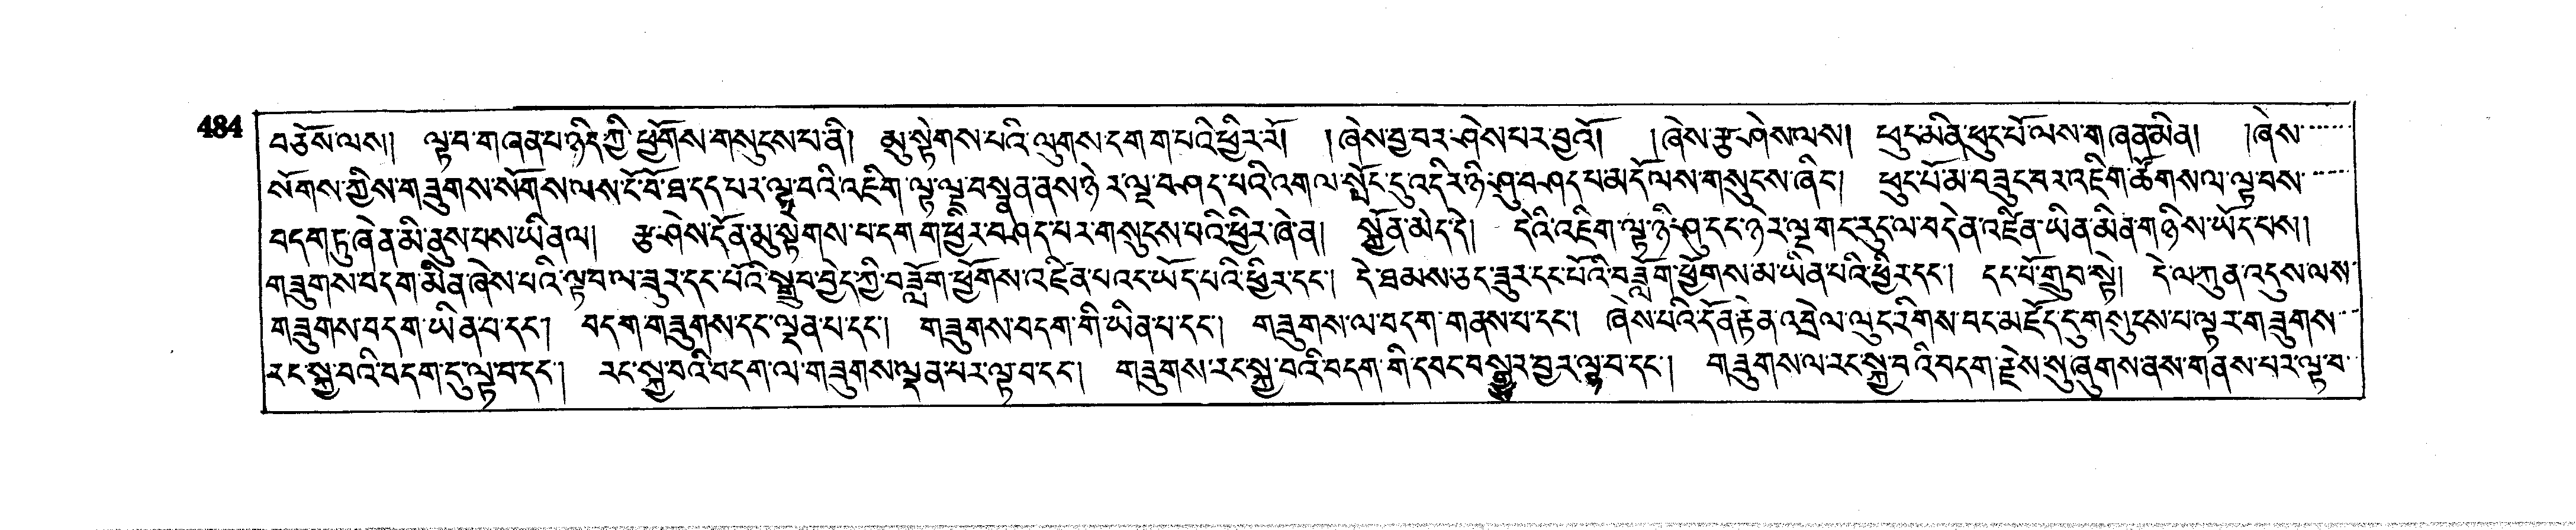བཅོས་ལས། ལྟ་བ་གཞན་པ་ཉིད་ཀྱི་ཕྱོགས་གསུངས་པ་ནི། མུ་སྟེགས་པའི་ལུགས་དགག་པའི་ཕྱིར་རོ། །ཞེས་བྱ་བར་ཤེས་པར་བྱའོ། །ཞེས་རྩ་ཤེས་ལས། ཕུང་མིན་ཕུང་པོ་ལས་གཞན་མིན། །ཞེས་
སོགས་ཀྱིས་གཟུགས་སོགས་ལས་ངོ་བོ་ཐ་དད་པར་ལྟ་བའི་འཇིག་ལྟ་ལྔ་བསྣན་ནས་ཉེར་ལྔ་བཤད་པའི་འགལ་སྤོང་དུ་འདིར་ཉི་ཤུ་བཤད་པ་མདོ་ལས་གསུངས་ཞིང་། ཕུང་པོ་མ་བཟུང་བར་འཇིག་ཚོགས་ལ་ལྟ་བས་
བདག་ཏུ་ཞེན་མི་ནུས་པས་ཡིན་ལ། རྩ་ཤེས་དོན་མུ་སྟེགས་པ་དགག་ཕྱིར་བཤད་པར་གསུངས་པའི་ཕྱིར་ཞེ་ན། སྐྱོན་མེད་དེ། དེའི་འཇིག་ལྟ་ཉི་ཤུ་དང་ཉེར་ལྔ་གང་རུང་ལ་བདེན་འཛིན་ཡིན་མིན་གཉིས་ཡོད་པས།
གཟུགས་བདག་མིན་ཞེས་པའི་ལྟ་བ་ལ་ཟུར་དང་པོའི་སྒྲུབ་བྱེད་ཀྱི་བཟློག་ཕྱོགས་འཛིན་པའང་ཡོད་པའི་ཕྱིར་དང་། དེ་ཐམས་ཅད་ཟུར་དང་པོའི་བཟློག་ཕྱོགས་མ་ཡིན་པའི་ཕྱིར་དང་། དང་པོ་གྲུབ་སྟེ། དེ་ལ་ཀུན་འདུས་ལས་
གཟུགས་བདག་ཡིན་པ་དང་། བདག་གཟུགས་དང་ལྡན་པ་དང་། གཟུགས་བདག་གི་ཡིན་པ་དང་། གཟུགས་ལ་བདག་གནས་པ་དང་། ཞེས་པའི་དོན་རྟེན་འབྲེལ་ལུང་རིགས་བང་མཛོད་དུ་གསུངས་པ་ལྟར་གཟུགས་
རང་སྐྱ་བའི་བདག་དུ་ལྟ་བ་དང་། རང་སྐྱ་བའི་བདག་ལ་གཟུགས་ལྡན་པར་ལྟ་བ་དང་། གཟུགས་རང་སྐྱ་བའི་བདག་གི་དབང་བསྒྲུབ་བྱར་ལྟ་བ་དང་། གཟུགས་ལ་རང་སྐྱ་བའི་བདག་རྗེས་སུ་ཞུགས་ནས་གནས་པར་ལྟ་བ་